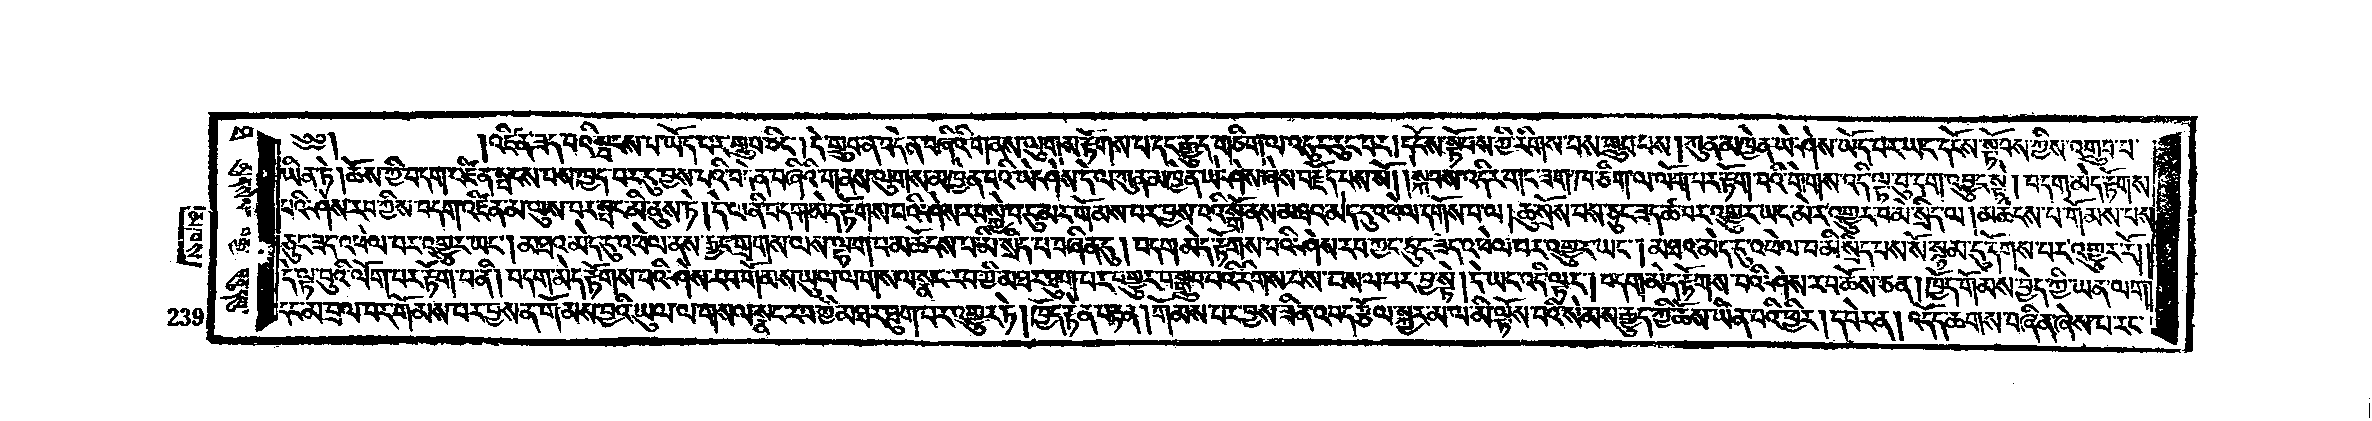༄༅། །འཛིན་ཟད་པའི་སྤངས་པ་ཡོད་པར་གྲུབ་ཅིང་།དེ་གྲུབ་ན་བདེན་བཞིའི་གནས་ལུགས་རྟོགས་པ་དང་རྒྱུད་གཅིག་ལ་འདུར་རུང་བར། དངོས་སྟོབས་ཀྱི་རིགས་པས་གྲུབ་པས། ཀུན་མཁྱེན་ཡེ་ཤེས་ཡོད་པར་ཡང་དངོས་སྟོབས་ཀྱིས་འགྲུབ་པ་
ཡིན་ཏེ། ཆོས་ཀྱི་བདག་འཛིན་སྤངས་པས་ཁྱད་པར་དུ་བྱས་པའི་བདེན་བཞིའི་གནས་ལུགས་མཁྱེན་པའི་ཡེ་ཤེས་དེ་ལ་ཀུན་མཁྱེན་ཡེ་ཤེས་ཞེས་བརྗོད་པས་སོ། །སྐབས་འདིར་གང་ཟག་ཁ་ཅིག་ལ་ལོག་པར་རྟོག་པའི་གེགས་འདི་ལྟ་བུ་དག་འབྱུང་སྟེ། བདག་མེད་རྟོགས་
པའི་ཤེས་རབ་ཀྱིས་བདག་འཛིན་མ་ལུས་པར་སྤང་མི་ནུས་ཏེ། དེ་ལ་ནི་བདག་མེད་རྟོགས་པའི་ཤེས་རབ་སྐྱེ་བ་དུ་མར་གོམས་པར་བྱས་པའི་སྒོ་ནས་མཐའ་མེད་དུ་འཕེལ་དགོས་པ་ལ། ཆུ་སྲོས་པས་ཅུང་ཟད་ཚ་བར་འགྱུར་ཡང་མེར་འགྱུར་བ་མེ་སྲིད་ལ། མཚངས་པ་གོམས་པས་
ཅུང་ཟད་འཕེལ་བར་འགྱུར་ཡང་།མཐའ་མེད་དུ་འཕེལ་ནས་རྒྱང་?་གྲགས་ལས་ལྷག་པ་མཆོངས་པ་མི་སྲིད་པ་བཞིན་དུ། བདག་མེད་རྟོགས་པའི་ཤེས་རབ་ཀྱང་ཅུང་ཟད་འཕེལ་བར་འགྱུར་ཡང་།མཐའ་མེད་དུ་འཕེལ་བ་མི་སྲིད་པས་སོ་སྙམ་དུ་དོགས་པར་འགྱུར་རོ། །
དེ་ལྟ་བུའི་ལོག་པར་རྟོག་པ་ནི། བདག་མེད་རྟོགས་པའི་ཤེས་རབ་གོམས་ཡུལ་ལ་གསལ་སྣང་རབ་ཀྱི་མཐར་ཐུག་པར་བགྱུར་བ་སྒྲུབ་པའི་རིགས་པས་བསལ་བར་བྱ་སྟེ། དེ་ཡང་འདི་ལྟར། བདག་མེད་རྟོགས་པའི་ཤེས་རབ་ཆོས་ཅན། ཁྱོད་གོམས་བྱེད་ཀྱི་ཡན་ལག་
དང་མ་བྲལ་བར་གོམས་པར་བྱས་ན་གོམས་བྱའི་ཡུལ་ལ་གསལ་སྣང་རབ་ཀྱི་མཐར་ཐུག་པར་འགྱུར་ཏེ། ཁྱོད་རྟེན་བརྟན། གོམས་པར་བྱས་ཟིན་འབད་རྩོལ་སྐྱར་མ་ལ་མི་ལྟོས་པའི་སེམས་རྒྱུད་ཀྱི་ཆོས་ཡིན་པའི་ཕྱིར། དཔེར་ན། འདོད་ཆགས་བཞིན་ཞེས་པ་རང་